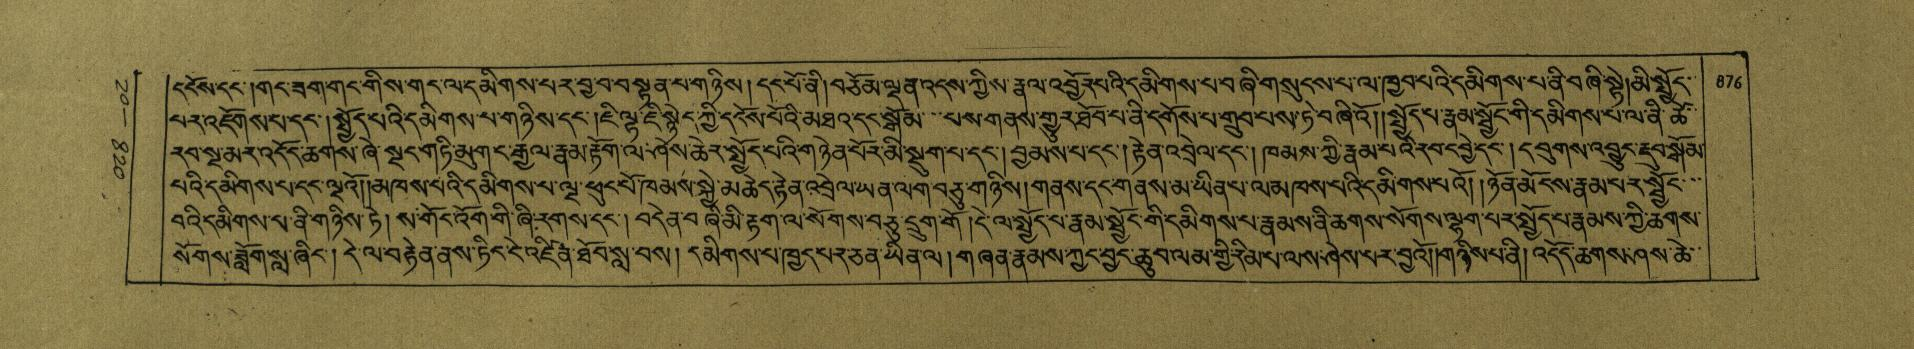དངོས་དང་། གང་ཟག་གང་གིས་གང་ལ་དམིགས་པར་བྱ་བ་བསྟན་པ་གཉིས། དང་པོ་ནི། བཅོམ་ལྡན་འདས་ཀྱིས་རྣལ་འབྱོར་པའི་དམིགས་པ་བཞི་གསུངས་པ་ལ་ཁྱབ་པའི་དམིགས་པ་ནི་བཞི་སྟེ། མི་སྤྱོད་
པར་འཇོགས་པ་དང་། སྤྱོད་པའི་དམིགས་པ་གཉིས་དང་། ཇི་ལྟ་ཇི་སྙེད་ཀྱི་དངོས་པོའི་མཐའ་དང་སྒོམ་པས་གནས་གྱུར་ཐོབ་པ་ནི་དགོས་པ་གྲུབ་པས་ཏེ་བཞིའོ། །སྤྱོད་པ་རྣམ་སྦྱོང་གི་དམིགས་པ་ལ་ནི་ཚེ་
རབ་སྔ་མར་འདོད་ཆགས་ཞེ་སྡང་གཏི་མུག་ང་རྒྱལ་རྣམ་རྟོག་ལ་ཤེས་ཆེར་སྤྱོད་པའི་གཉེན་པོར་མི་སྡུག་པ་དང་། བྱམས་པ་དང་། རྟེན་འབྲེལ་དང་། ཁམས་ཀྱི་རྣམ་པའི་རབ་དབྱེ་དང་། དབུགས་འབྱུང་རྡུབ་སྒོམ་
པའི་དམིགས་པ་དང་ལྔའོ། །མཁས་པའི་དམིགས་པ་ལྔ་ཕུང་པོ་ཁམས་སྐྱེ་མཆེད་རྟེན་འབྲེལ་ཡན་ལག་བཅུ་གཉིས། གནས་དང་གནས་མ་ཡིན་པ་ལ་མཁས་པའི་དམིགས་པའོ། །ཉོན་མོངས་རྣམ་པར་སྦྱོང་
བའི་དམིགས་པ་ནི་གཉིས་ཏེ། ས་གོང་འོག་གི་ཞི་རགས་དང་། བདེན་བཞི་མི་རྟག་ལ་སོགས་བཅུ་དྲུག་གོ །དེ་ལ་སྤྱོད་པ་རྣམ་སྦྱོང་གི་དམིགས་པ་རྣམས་ནི་ཆགས་སོགས་ལྷག་པར་སྤྱོད་པ་རྣམས་ཀྱི་ཆགས་
སོགས་ཟློག་སླ་ཞིང་། དེ་ལ་བརྟེན་ནས་ཏིང་ངེ་འཛིན་ཐོབ་སླ་བས། དམིགས་པ་ཁྱད་པར་ཅན་ཡིན་ལ། གཞན་རྣམས་ཀྱང་བྱང་ཆུབ་ལམ་གྱི་རིམ་པ་ལས་ཤེས་པར་བྱའོ། །གཉིས་པ་ནི། འདོད་ཆགས་ཤས་ཆེ་